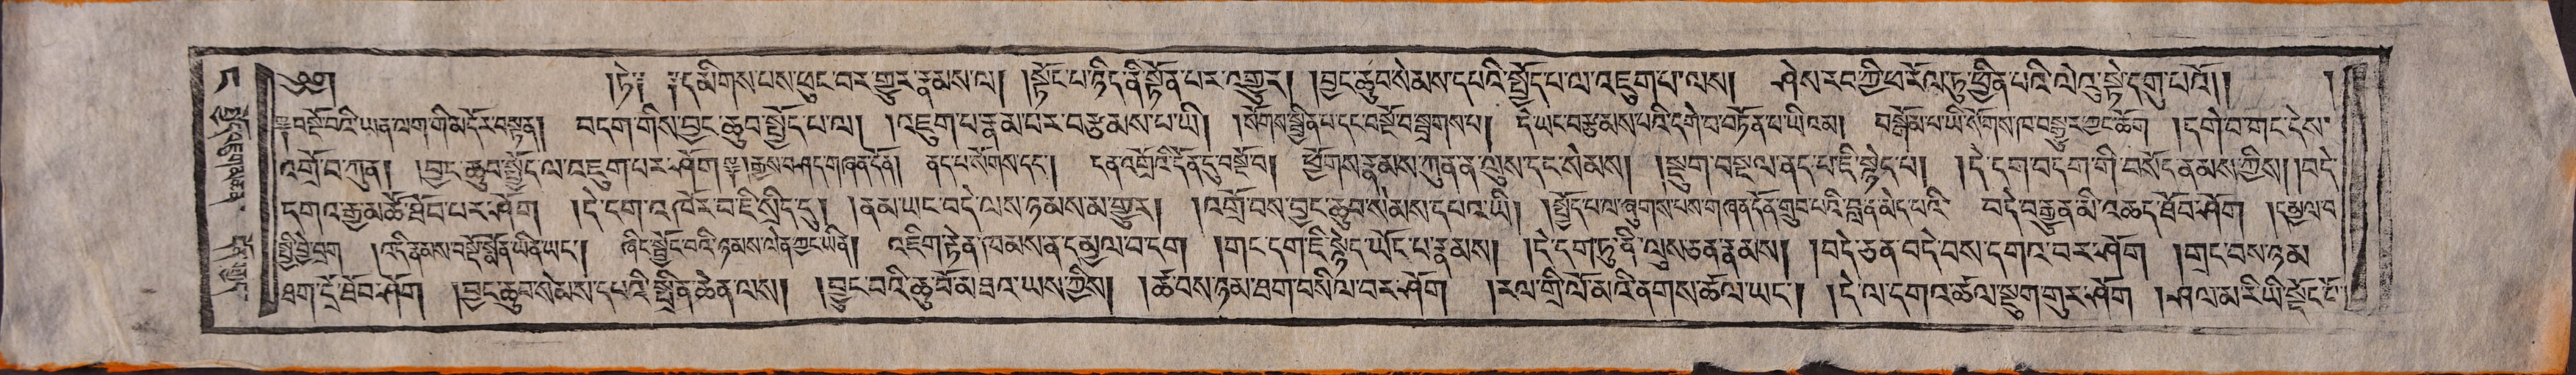༄༅། །ཏེ༑ ༑དམིགས་པས་ཕུང་བར་གྱུར་རྣམས་ལ། །སྟོང་པ་ཉིད་ནི་སྟོན་པར་འགྱུར། །བྱང་ཆུབ་སེམས་དཔའི་སྤྱོད་པ་ལ་འཇུག་པ་ལས། ཤེས་རབ་ཀྱི་ཕ་རོལ་ཏུ་ཕྱིན་པའི་ལེའུ་སྟེ་དགུ་པའོ།། །།
༈ བསྔོ་བའི་ཡན་ལག་གི་མདོར་བསྟན།  བདག་གིས་བྱང་ཆུབ་སྤྱོད་པ་ལ། །འཇུག་པ་རྣམ་པར་བརྩམས་པ་ཡི། །སོགས་སྦྱིན་པ་དང་བསྔོ་བ་སྦྲགས་པ། དེ་ཡང་བརྩམས་པའི་དགེ་བ་བཏོན་པ་ཡིའམ། བསྒོམ་པ་ཡི་སོགས་བ་བསྒྱུར་ཀྱང་ཆོག །  དགེ་བ་གང་དེས་
འགྲོ་བ་ཀུན། །བྱང་ཆུབ་སྤྱོད་ལ་འཇུག་པར་ཤོག ༈ །རྒྱས་བཤད་གསན་དོན། ནད་པ་སོགས་དང་། ངན་འགྲོའི་དོན་དུ་བསྔོ་བ། ཕྱོགས་རྣམས་ཀུན་ན་ལུས་དང་སེམས། །སྡུག་བསྔལ་ནད་པ་ཇི་སྙེད་པ། །དེ་དག་བདག་གི་བསོད་ནམས་ཀྱིས། །བདེ་
དགའ་རྒྱ་མཚོ་ཐོབ་པར་ཤོག །དེ་དག་འཁོར་བ་ཇི་སྲིད་དུ། །ནམ་ཡང་བདེ་ལས་ཉམས་མ་གྱུར། །འགྲོ་བས་བྱང་ཆུབ་སེམས་དཔའ་ཡི། །སྤྱོད་པ་ལ་ཞུགས་པས་གཞན་དོན་གྲུབ་པའི་བླ་ན་མེད་པའི་བདེ་བརྒྱུན་མི་འཆད་ཐོབ་ཤོག །དམྱལ་བ་
སྤྱི་བྱེ་བྲག །འདི་རྣམས་བསྔོ་སྨོན་ཡིན་ཡང་། ཞིང་སྦྱོང་བའི་ཉམས་ལེན་ཀྱང་ཡིན། འཇིག་རྟེན་ཁམས་ན་དམྱལ་བ་དག །གང་དག་ཇི་སྙེད་ཡོད་པ་རྣམས། །དེ་དག་ཏུ་ནི་ལུས་ཅན་རྣམས། །བདེ་ཅན་བདེ་བས་དགའ་བར་ཤོག །གྲང་བས་ཉམ་
ཐག་དྲོ་ཐོབ་ཤོག །བྱང་ཆུབ་སེམས་དཔའི་སྤྲིན་ཆེན་ལས། །བྱུང་བའི་ཆུ་བོ་མཐའ་ཡས་ཀྱིས། །ཚ་བས་ཉམ་ཐག་བསིལ་བར་ཤོག །རལ་གྲི་ལོ་མའི་ནགས་ཚལ་ཡང་། །དེ་ལ་དགའ་ཚལ་སྡུག་གུར་ཤོག །ཤལ་མ་རི་ཡི་སྡོང་པོ་